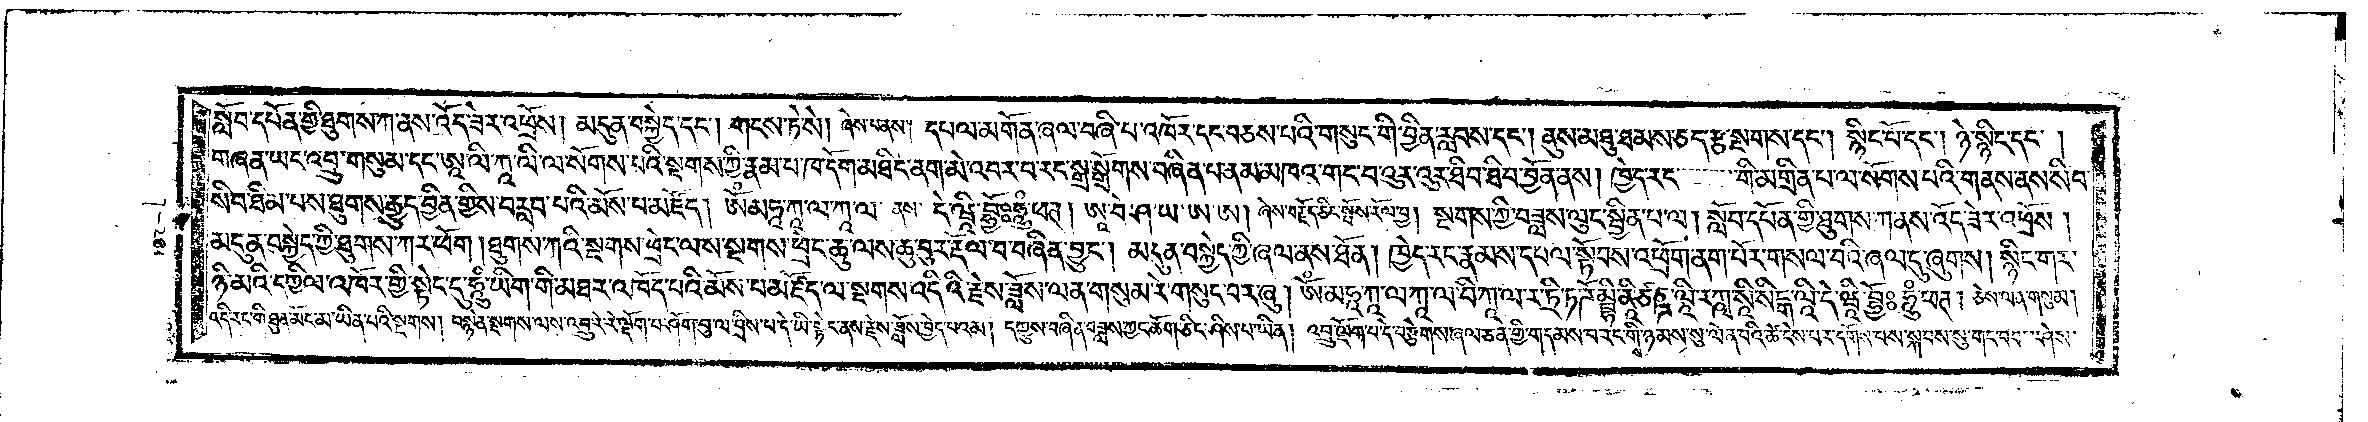སློབ་དཔོན་གྱི་ཐུགས་ཀ་ནས་འོད་ཟེར་འཕྲོས། མདུན་བསྐྱེད་དང་། གང་སྟེ་སེ། ཞེས་པ་ནས། དཔལ་མགོན་ཞལ་བཞི་པ་འཁོར་དང་བཅས་པའི་གསུང་གི་བྱིན་རླབས་དང་། ནུས་མཐུ་ཐམས་ཅད་རྩ་སྔགས་དང་། སྙིང་པོ་དང་། ཉེ་སྙིང་དང་།
གཞན་ཡང་འབྲུ་གསུམ་དང་ཨཱ་ལི་ཀཱ་ལི་ལ་སོགས་པའི་སྔགས་ཀྱི་རྣམ་པ་ཁ་དོག་མཐིང་ནག་མེ་འབར་བའང་སྒྲ་སྒྲོགས་བཞིན་པ་ནམ་མཁའ་གང་བ་འུར་འུར་ཐིབ་ཐིབ་བྱོན་ནས། ཁྱེད་རང་གི་མགྲིན་པ་ལ་སོགས་པའི་གནས་ནས་སིབ་
སིབ་ཐིམ་པས་ཐུགས་རྒྱུད་བྱིན་གྱིས་བརླབ་པའི་མོས་པ་མཛོད། ཨོཾ་མཧཱ་ཀཱ་ལ་ཀཱ་ལ་ནས་དེ་ཝཱི་བྷྱོཿ ཧཱུཾ་ཕཊ། ཨཱ་བེ་ཤ་ཡ་ཨ་ཨ། ཞེས་བརྗོད་ཅིང་སྤོས་རོལ་བྱ།  སྔགས་ཀྱི་བཟླས་ལུང་སྦྱིན་པ་ལ། སློབ་དཔོན་གྱི་ཐུགས་ཀ་ནས་འོད་ཟེར་འཕྲོས།
མདུན་བསྐྱེད་ཀྱི་ཐུགས་ཀར་ཕོག །ཐུགས་ཀའི་སྔགས་ཕྲེང་ལས་སྔགས་ཕྲེང་ཆུ་ལས་ཆུ་བུར་རྡོལ་བ་བཞིན་བྱུང་། མདུན་བསྐྱེད་ཀྱི་ཞལ་ནས་ཐོན། ཁྱེད་རང་རྣམས་དཔལ་སྟོབས་འཕྲོག་ནག་པོར་གསལ་བའི་ཞལ་དུ་ཞུགས། སྙིང་གར་
ཉི་མའི་དཀྱིལ་འཁོར་གྱི་སྟེང་དུ་ཧཱུཾ་ཡིག་གི་མཐར་འཁོད་པའི་མོས་པ་མཛོད་ལ་སྔགས་འདིའི་རྗེས་ཟློས་ལན་གསུམ་རེ་གསུང་བར་ཞུ། ཨོཾ་མཧཱ་ཀཱ་ལ་བི་ཀཱ་ལ་ར་ཏྲི་ཏ་ཌོམྦྷི་ནཱི་ཙནྜ་ལཱི་རཀྵ་སཱི་སིངྒ་ལཱི་དེ་ཝཱི་བྷྱོཿ ཧཱུཾ་ཕཊ། ཅེས་ལན་གསུམ།
འདི་རང་གུ་ཐུན་མོང་མ་ཡིན་པའི་སྔགས། བསྙེན་སྔགས་ལས་འབྲུ་རེ་རེ་ལྡོག་པ་ཤོག་བུ་ལ་བྲིས་པ་དེ་ཡི་སྟེང་ནས་རྗེས་ཟློས་བྱེད་པའམ། དཀྱུས་བཞི་བཟླས་ཀྱང་ཆོག་ཅིང་ཤིས་པ་ཡིན། འབྲུ་ལྡོག་པ་དེ་བརྩེགས་ཞལ་ཅན་གྱི་གདམས་པ་རང་གི་ཉམས་སུ་ལེན་པའི་ཚེ་ངེས་པར་དགོས་པས་སྐབས་སུ་གང་བབ་ཤེས་